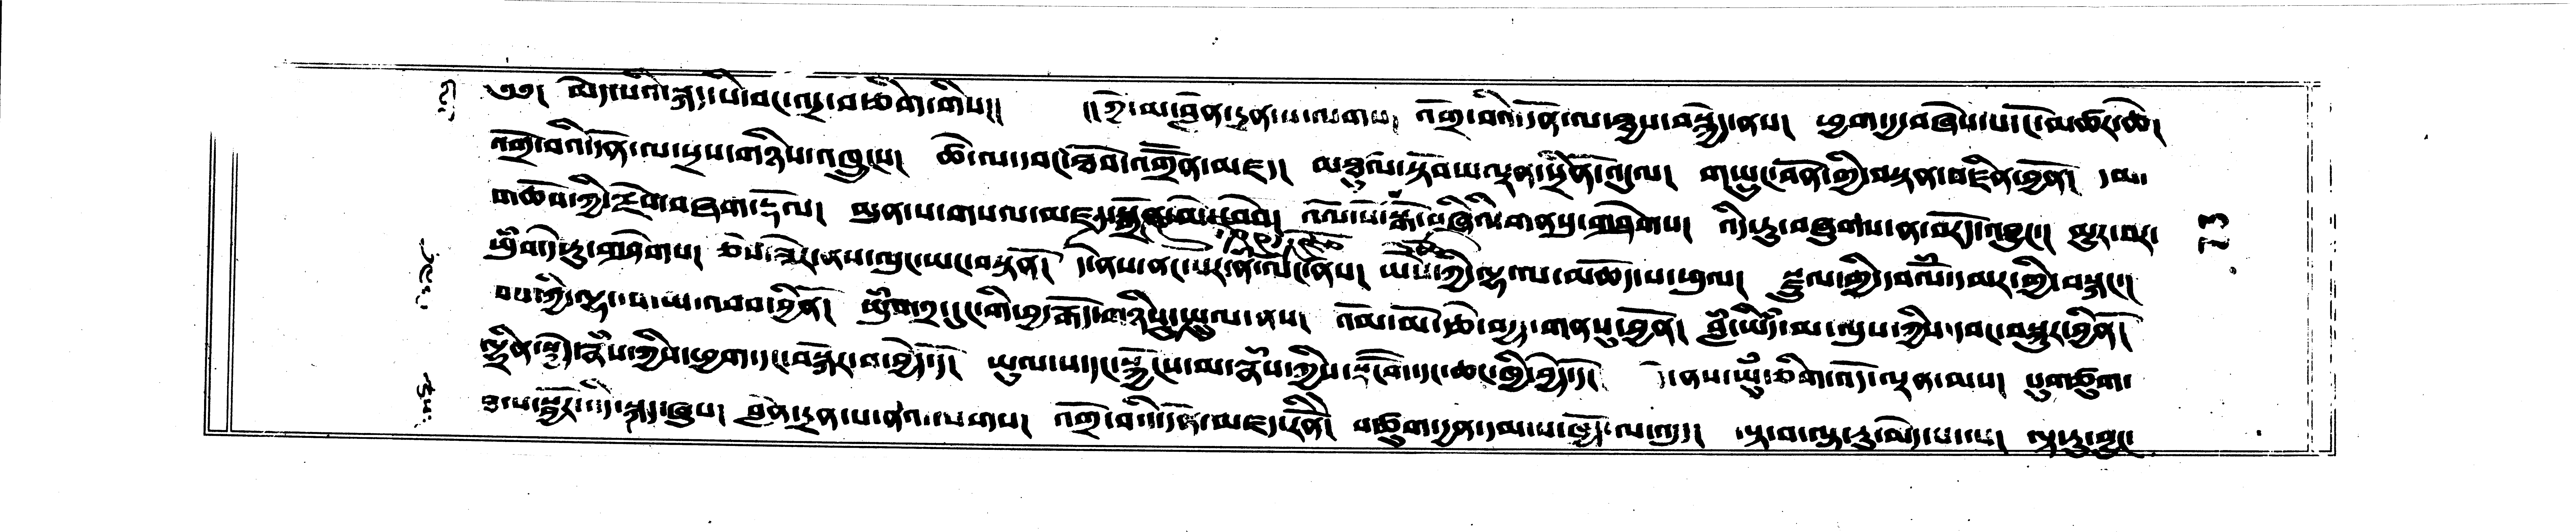མེད་པའི་སྐད་སམ་བང་འདྲ་བ་ཅིག་གིས། ཀྱེ་མ་བླ་ཆེན་དྲན་པ་ལགས། འགྲོ་བའི་དོན་ལ་ཐུགས་བསྐྱེད་ནས། ཕྱག་རྒྱ་བཞེས་ངོ་མཚར་ཆེ།
འགྲོ་བའི་དོན་ལ་སྲས་གཉིས་འཁྲུངས། ཚེ་ལ་དབང་ཐོབ་འགྲོ་དོན་མཛད། མཐུ་རྩལ་སྟོབས་ལྡན་སྲིན་པོ་འདུལ། གཡུང་དྲུང་བོན་གྱི་བསྟན་འཛིན་བྱོན། དམ་
ཆོས་ཀྱི་རྗེས་བཞག་རྡོལ། མུན་པ་བསལ་མཛད་སྒྲོན་མེ་ཕེབས། འོམ་པོ་སྒོ་བཞིའི་གནས་སུ་གཤེགས། འདི་རུ་བཞུགས་ན་བར་ཆོད་འབྱུང་། མྱུར་བར་
ཡབ་ཡུམ་དེ་རུ་གཤེགས། ཅེས་ཟེར་ནས་ལུང་ཡང་བསྟན་ནོ། དེ་ནས་ནངས་པར་ནམ་ལང་ནས། ཡེ་ཤེས་ཀྱི་ལྷ་ལ་མཆོད་པ་འབུལ། རྫུ་འཕྲུལ་གྱི་དབལ་མོ་དམར་གྱིས་བསྐང་། 
ལས་ཀྱི་ལྷ་ལ་ཕ་འབབ་བྱིན། ཡབ་ཡུམ་གཉིས་དུང་གི་བྱ་རྒོད་གཉིས་སུ་སྤྲུལ་ནས། འོམ་པོ་རྩེ་བརྒྱད་གནས་སུ་བྱོན། བླ་མ་ཡི་དམ་མ་ལུས་ཀྱི་དབང་བསྐུར་བྱིན་ནོ།
ལྷ་སྲིན་སྡེ་བརྒྱད་རྣམས་ཀྱིས་ཕྱག་དང་བསྐོར་བ་བྱེད་དོ། །ཡུལ་ས་དང་སྐྱོང་མ་རྣམས་ཀྱིས་སྡོང་གྲོགས་དང་ཆང་ཁྱི་བྱེད་དོ། དེ་ནས་ཡུམ་ཅིག་འོད་ལྡན་མས། པུས་བཙུགས་
ཐལ་སྦྱོར་འདི་སྐད་ཞུས། བླ་ཆེན་དྲན་པ་ནམ་མཁའ་ལགས། འགྲོ་བའི་དོན་མཛད་རིན་པོ་ཆེ། གཙུག་རྒྱན་དམ་པ་ཁྱོད་ལ་འདུད། ལྟ་བ་ལྟ་རུ་མེད་པ་ལ། ལྟ་རུ་བྱུང་